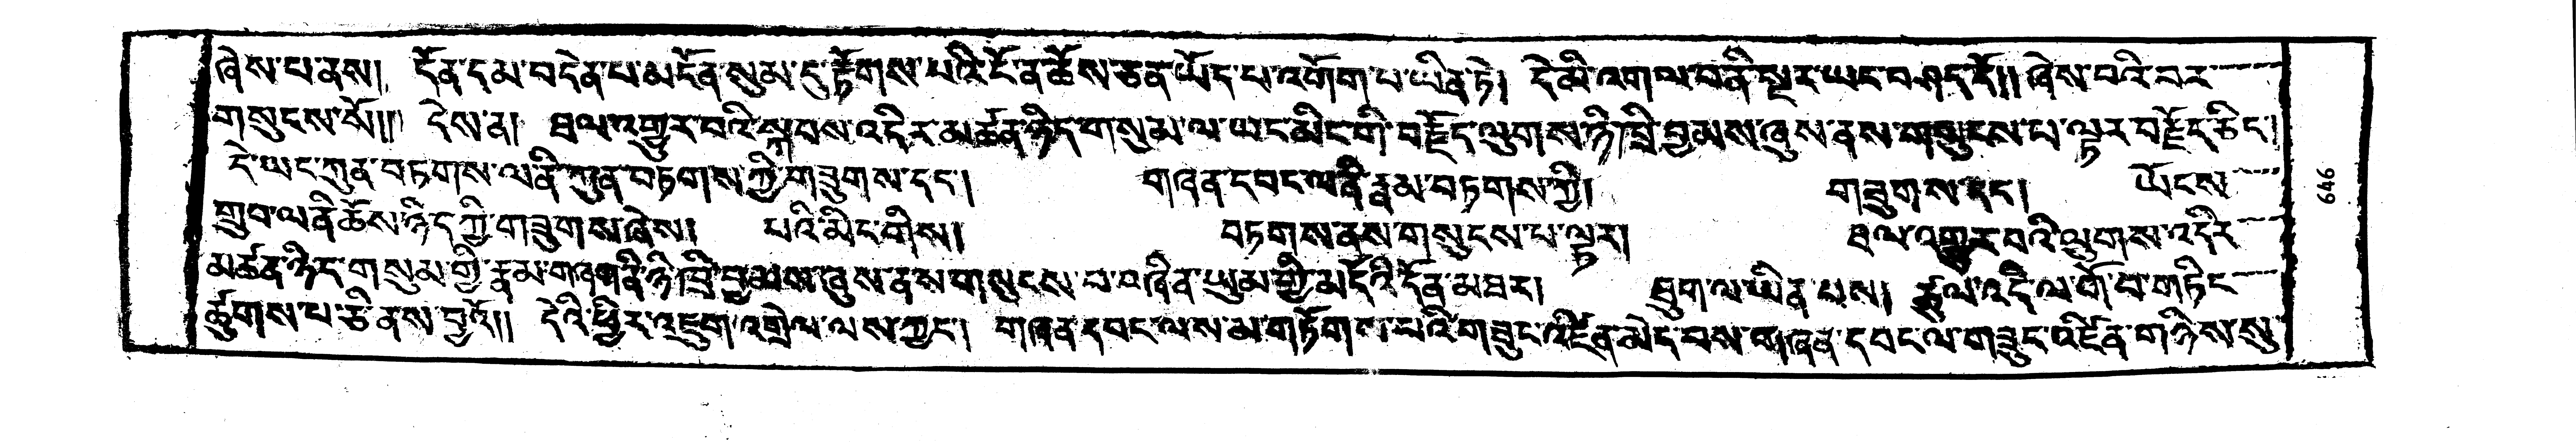ཞེས་པ་ནས། དོན་དམ་བདེན་པ་མངོན་སུམ་དུ་རྟོགས་པའི་ངོ་ན་ཆོས་ཅན་ཡོད་པ་འགོག་པ་ཡིན་ཏེ། དེ་མི་འགལ་བ་ནི་སྔར་ཡང་བཤད་དོ།། ཞེས་པའི་བར་
གསུངས་སོ།། དེས་ན། ཐལ་འགྱུར་བའི་སྐབས་འདིར་མཚན་ཉིད་གསུམ་ལ་ཡང་མིང་གི་བརྗོད་ལུགས་ཉི་ཁྲི་བྱམས་ཞུས་ནས་གསུངས་པ་ལྟར་བརྗོད་ཅིང་།
དེ་ཡང་ཀུན་བཏགས་ལ་ནི་ཀུན་བཏགས་ཀྱི་གཟུགས་དང་། གཞན་དབང་ལ་ནི་རྣམ་བཏགས་ཀྱི། གཟུགས་དང་། ཡོངས་
གྲུབ་ལ་ནི་ཆོས་ཉིད་ཀྱི་གཟུགས་ཞེས། པའི་མིང་གིས། བཏགས་ནས་གསུངས་པ་ལྟར། ཐལ་འགྱུར་བའི་ལུགས་འདིར་
མཚན་ཉིད་གསུམ་གྱི་རྣམ་གཞག་ནི་ཉི་ཁྲི་བྱམས་ཞུས་ནས་གསུངས་པ་བཞིན་ཡུམ་གྱི་མདོའི་དོན་མཐར། ཐུག་ལ་ཡིན་པས། ཚུལ་འདི་ལ་གོ་བ་གཏིང་
ཚུགས་པ་ཅི་ནས་བྱའོ།། དེའི་ཕྱིར་འཇུག་འགྲེལ་ལས་ཀྱང་། གཞན་དབང་ལས་མ་གཏོགས་པའི་གཟུང་འཛིན་མེད་པས་གཞན་དབང་ལ་གཟུང་འཛིན་གཉིས་སུ་